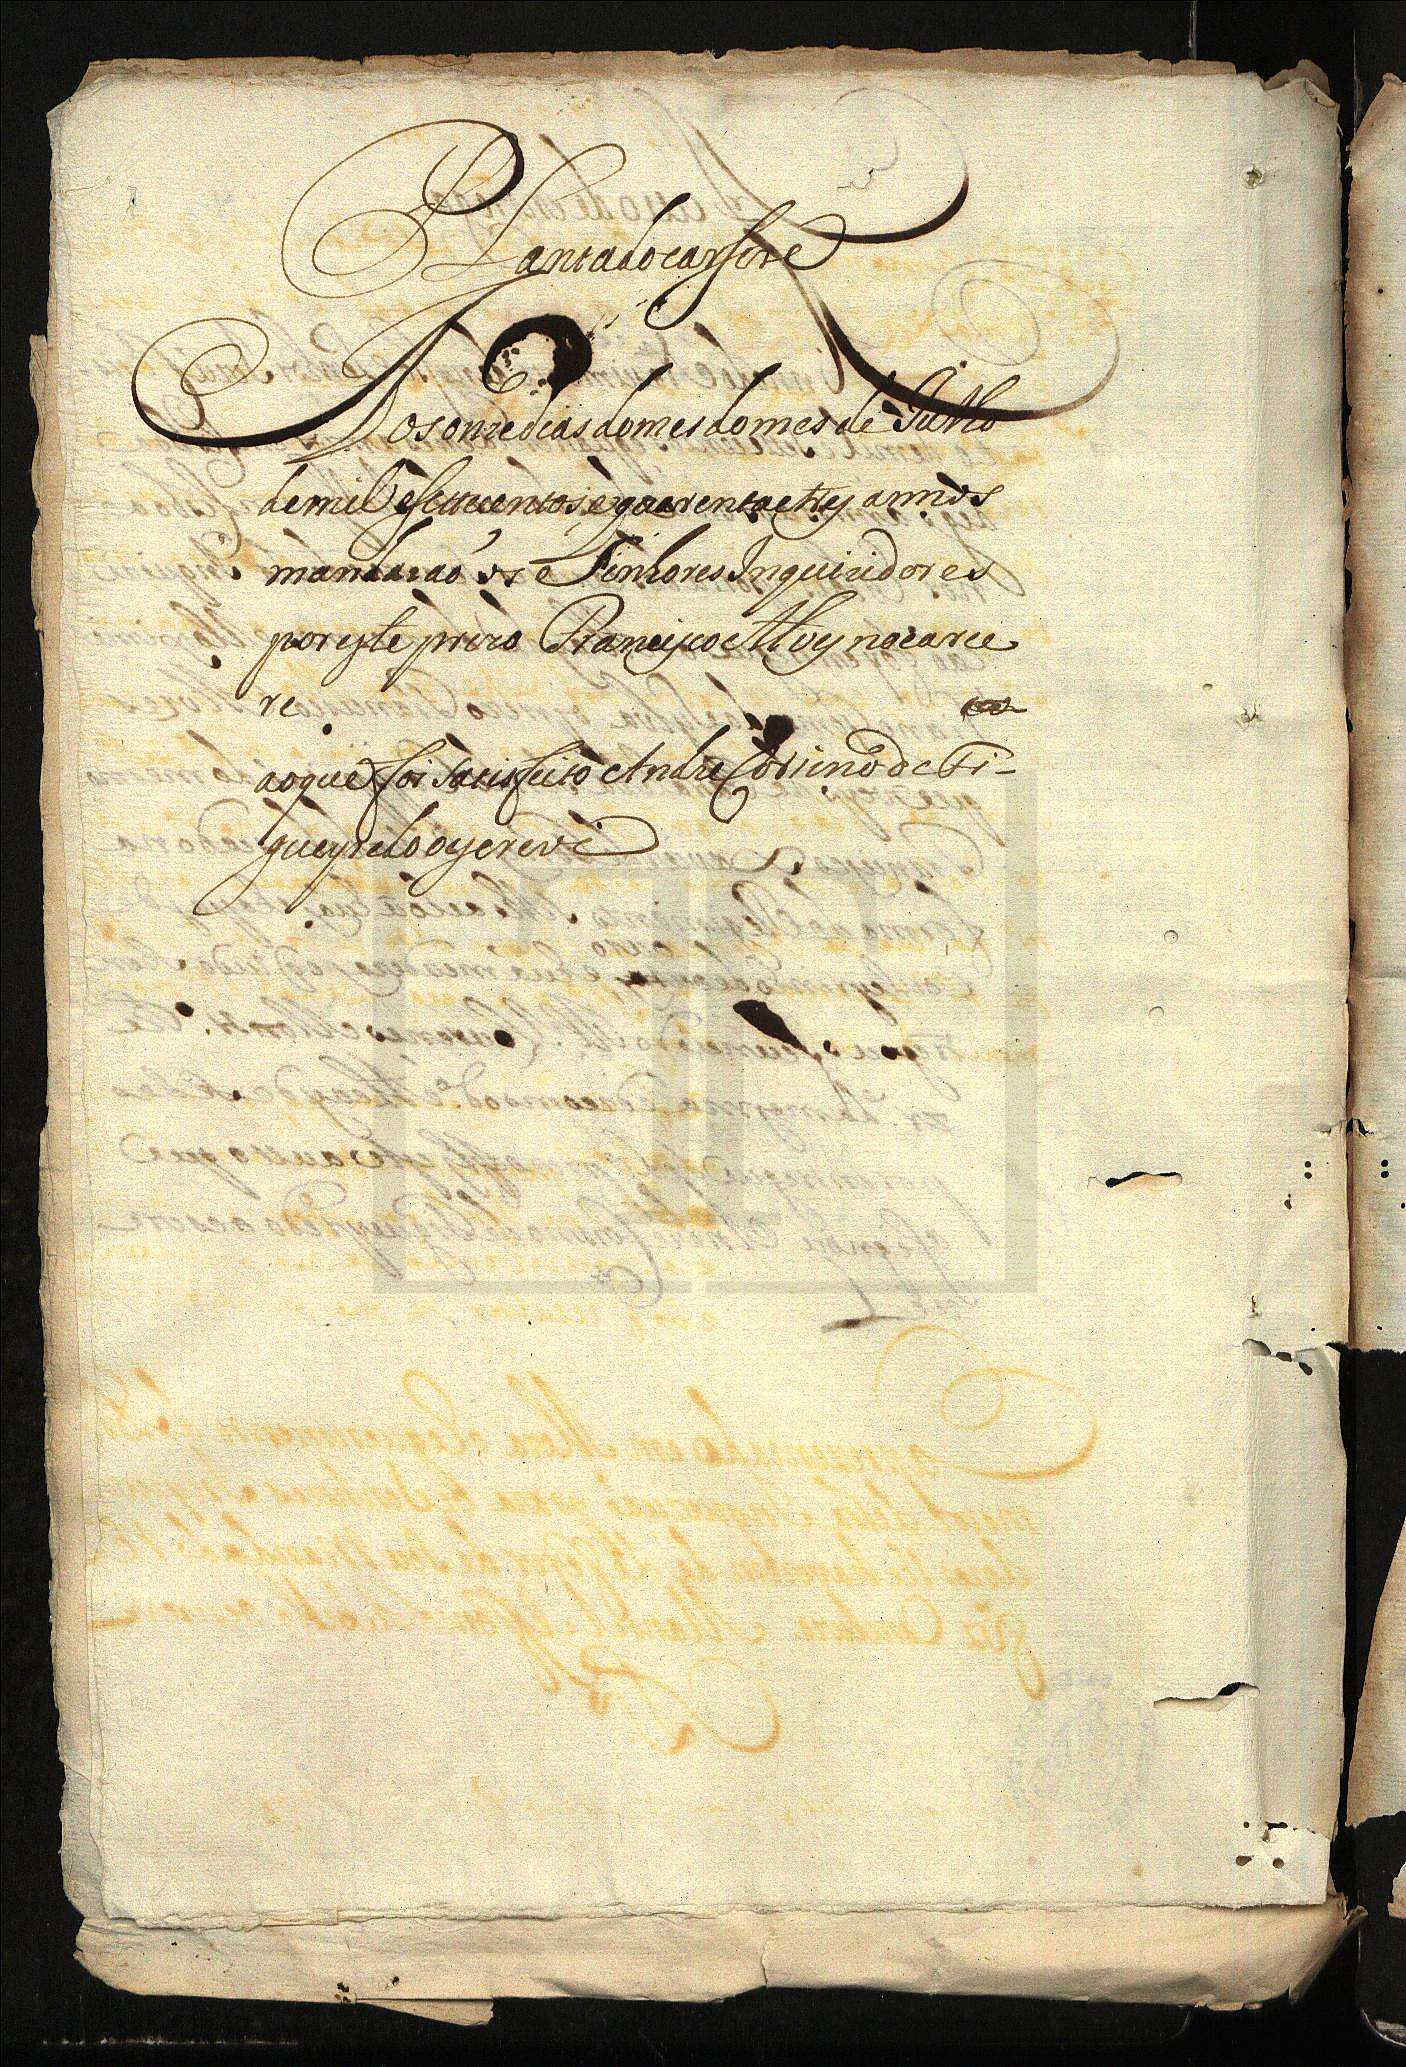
PLanta do carsere
Aos onze dias do mes do mes de Iulho
de mil e settecentos, e quarenta e tres annos
mandaraõ os Senhores Inquizidores
por este prezo Francisco Alues no carce
re
ao que foi satisfeito Andre Corsino de Fi
gueyredo o escrevi
